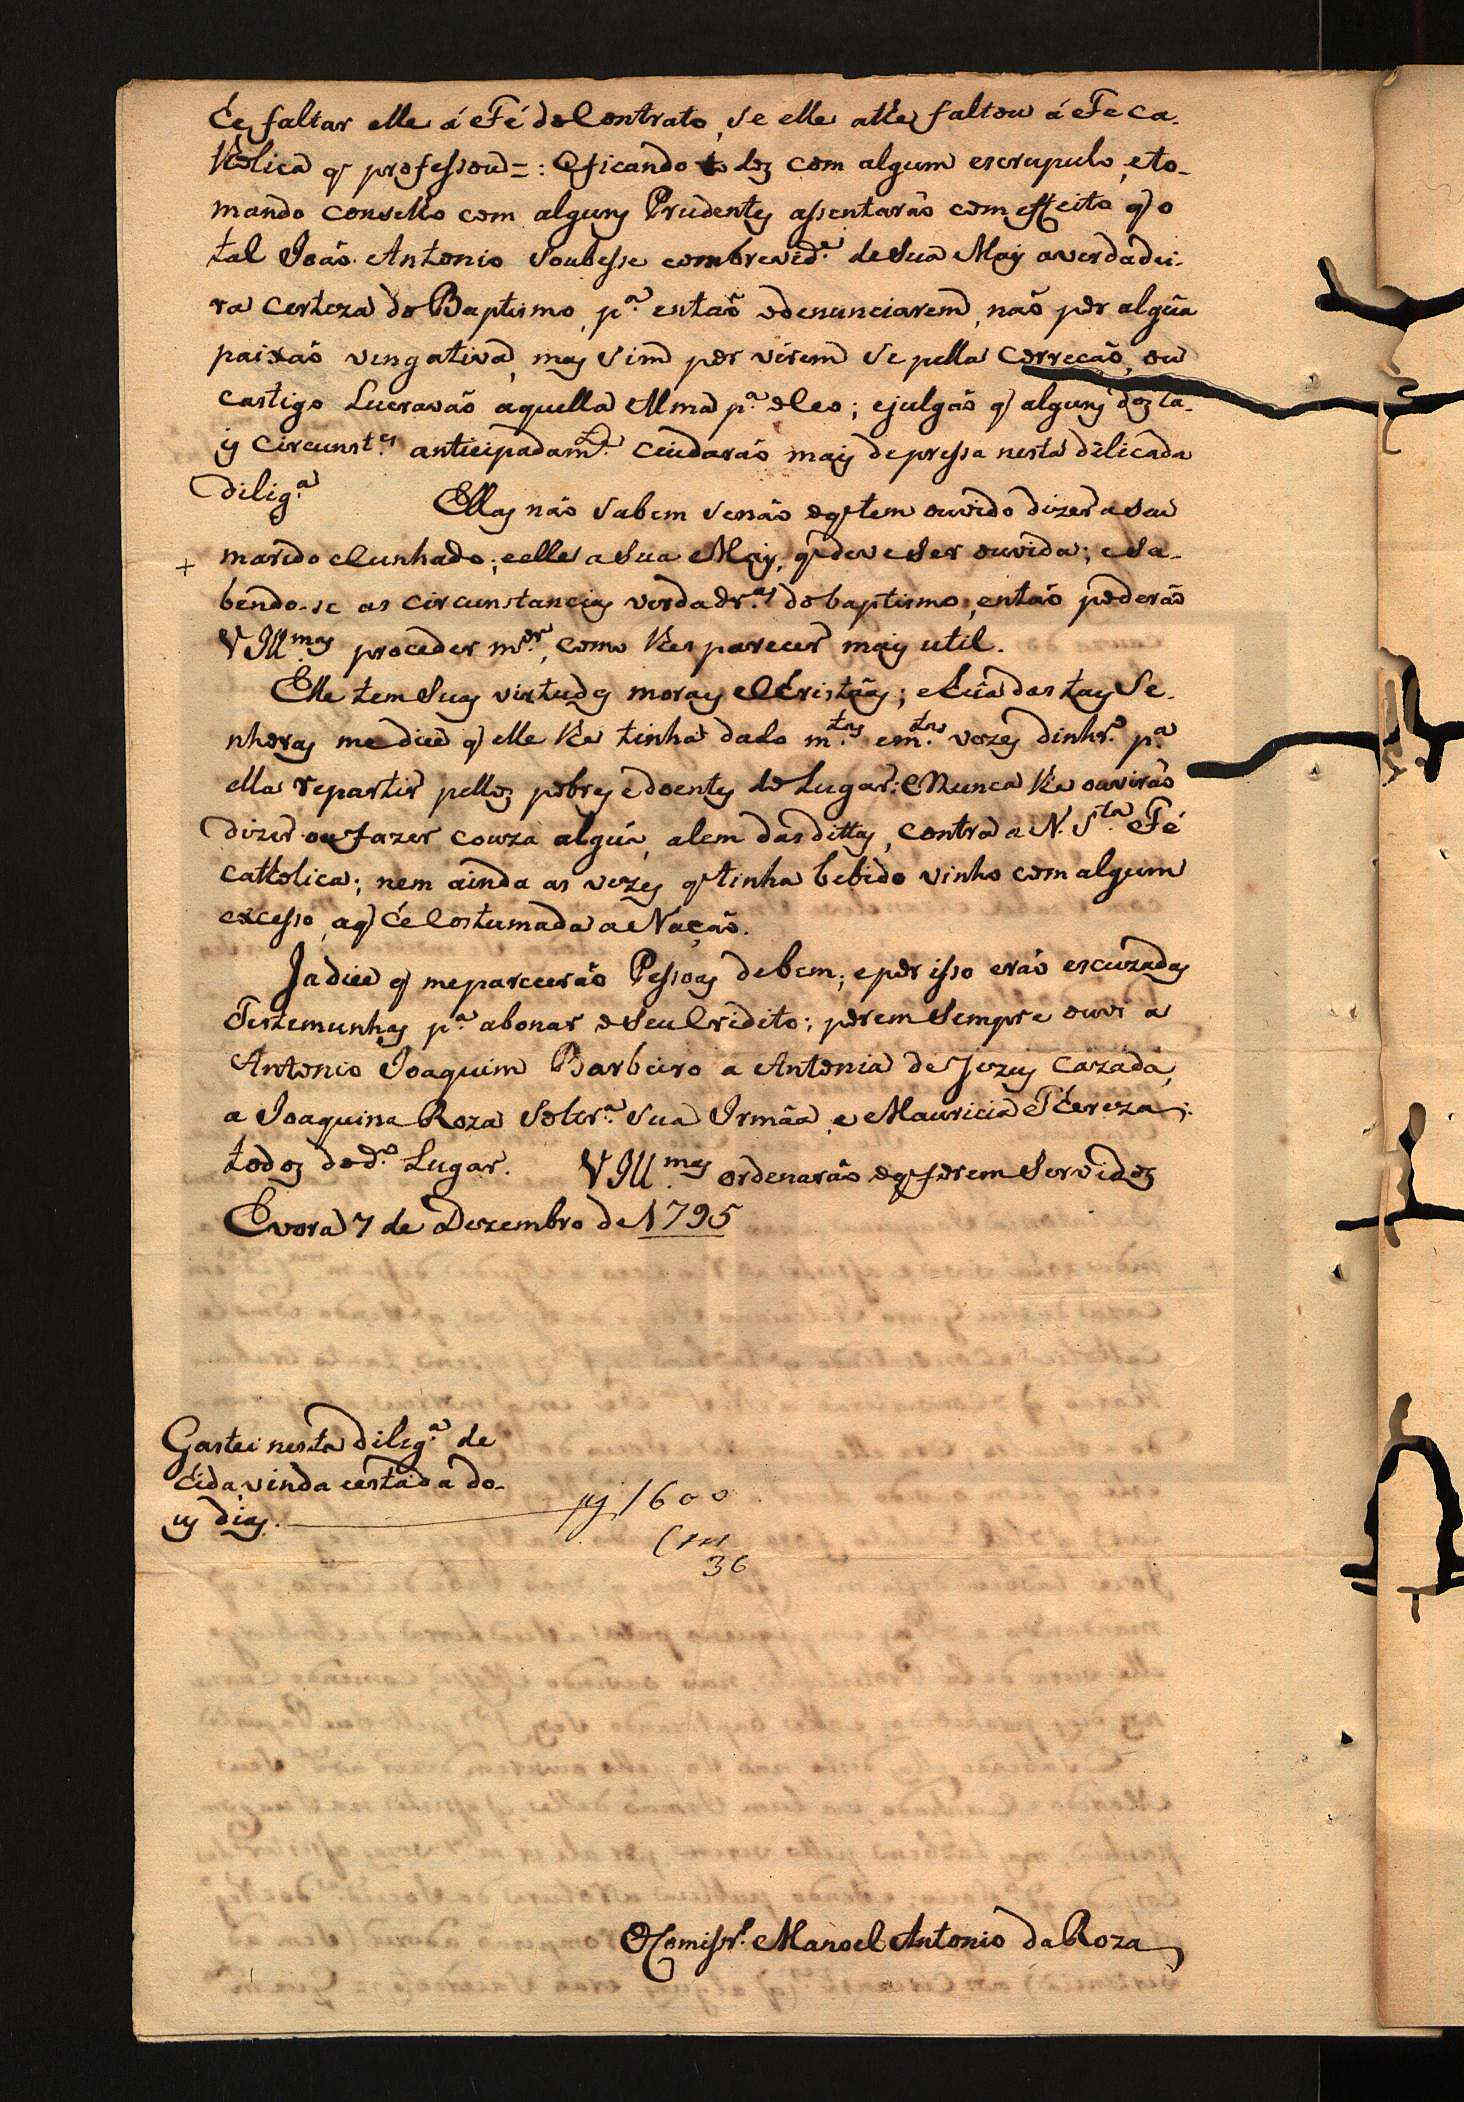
he faltar elle á Fé do Contrato, se elle athe faltou á Fe ca
tholica q̄ professou =: E ficando todos com algum escrupulo, e to
mando conselho com alguns Prudentes assentaraõ com effeito q̄ o
tal Ioaõ Antonio soubesse com brevid.e de Sua May a verdadei
ra certeza do Baptismo, p.a entaõ o denunciarem, naõ por algūa
paixaõ vingativa, mas sim por verem se pella correçaõ ou
castigo Lucravaõ aquella Alma p.a o Ceo; e julgaõ q̄ alguns dos ta
is circunst.es antecipadam.te cuidaraõ mais depressa nesta delicada
dilig.a Ellas não sabem senaõ o q̄ tem ouvido dizer a seu
marido e Cunhado; e elle a Sua May, q̄ deve ser ouvida; e sa
bendo-se as circunstancias verdadr.as do baptismo, entaõ poderaõ
V Ill.mas proceder m.or, como lhes parecer mais util.
Elle tem suas virtudes moraes e Christaãs; e huā das taes se
nhoras me dice q̄ elle lhe tinha dado m.tas e m.tas vezes dinhr.o p.a
ella repartir pellos pobres e doentes do Lugar: e Nunca lhe ouviraõ
dizer ou fazer couza alguā, alem das dittas contra a N. S.ta Fé
catholica; nem ainda as vezes q̄ tinha bebido vinho com algum
excesso, a q̄ he costumada a Naçaõ.
Ja dice q̄ me pareceraõ Pessoas de bem; e por isso eraõ escuzadas
Testemunhas p.a abonar o seu Credito; porem sempre ouvi a
Antonio Ioaquim Barbeiro a Antonia de Jezus cazada,
a Ioaquina Roza Soltr.a sua Irmãa e Mauricia Thereza;
todos do d.o Lugar. V Ill.mas ordenaraõ o q̄ forem Servidos
Evora 7 de Dezembro de 1795
Gastei nesta dilig.a de
hida, vinda e estada do
us dias – pg 1600
Ctas
36
O Comissr.o Manoel Antonio da Roza
